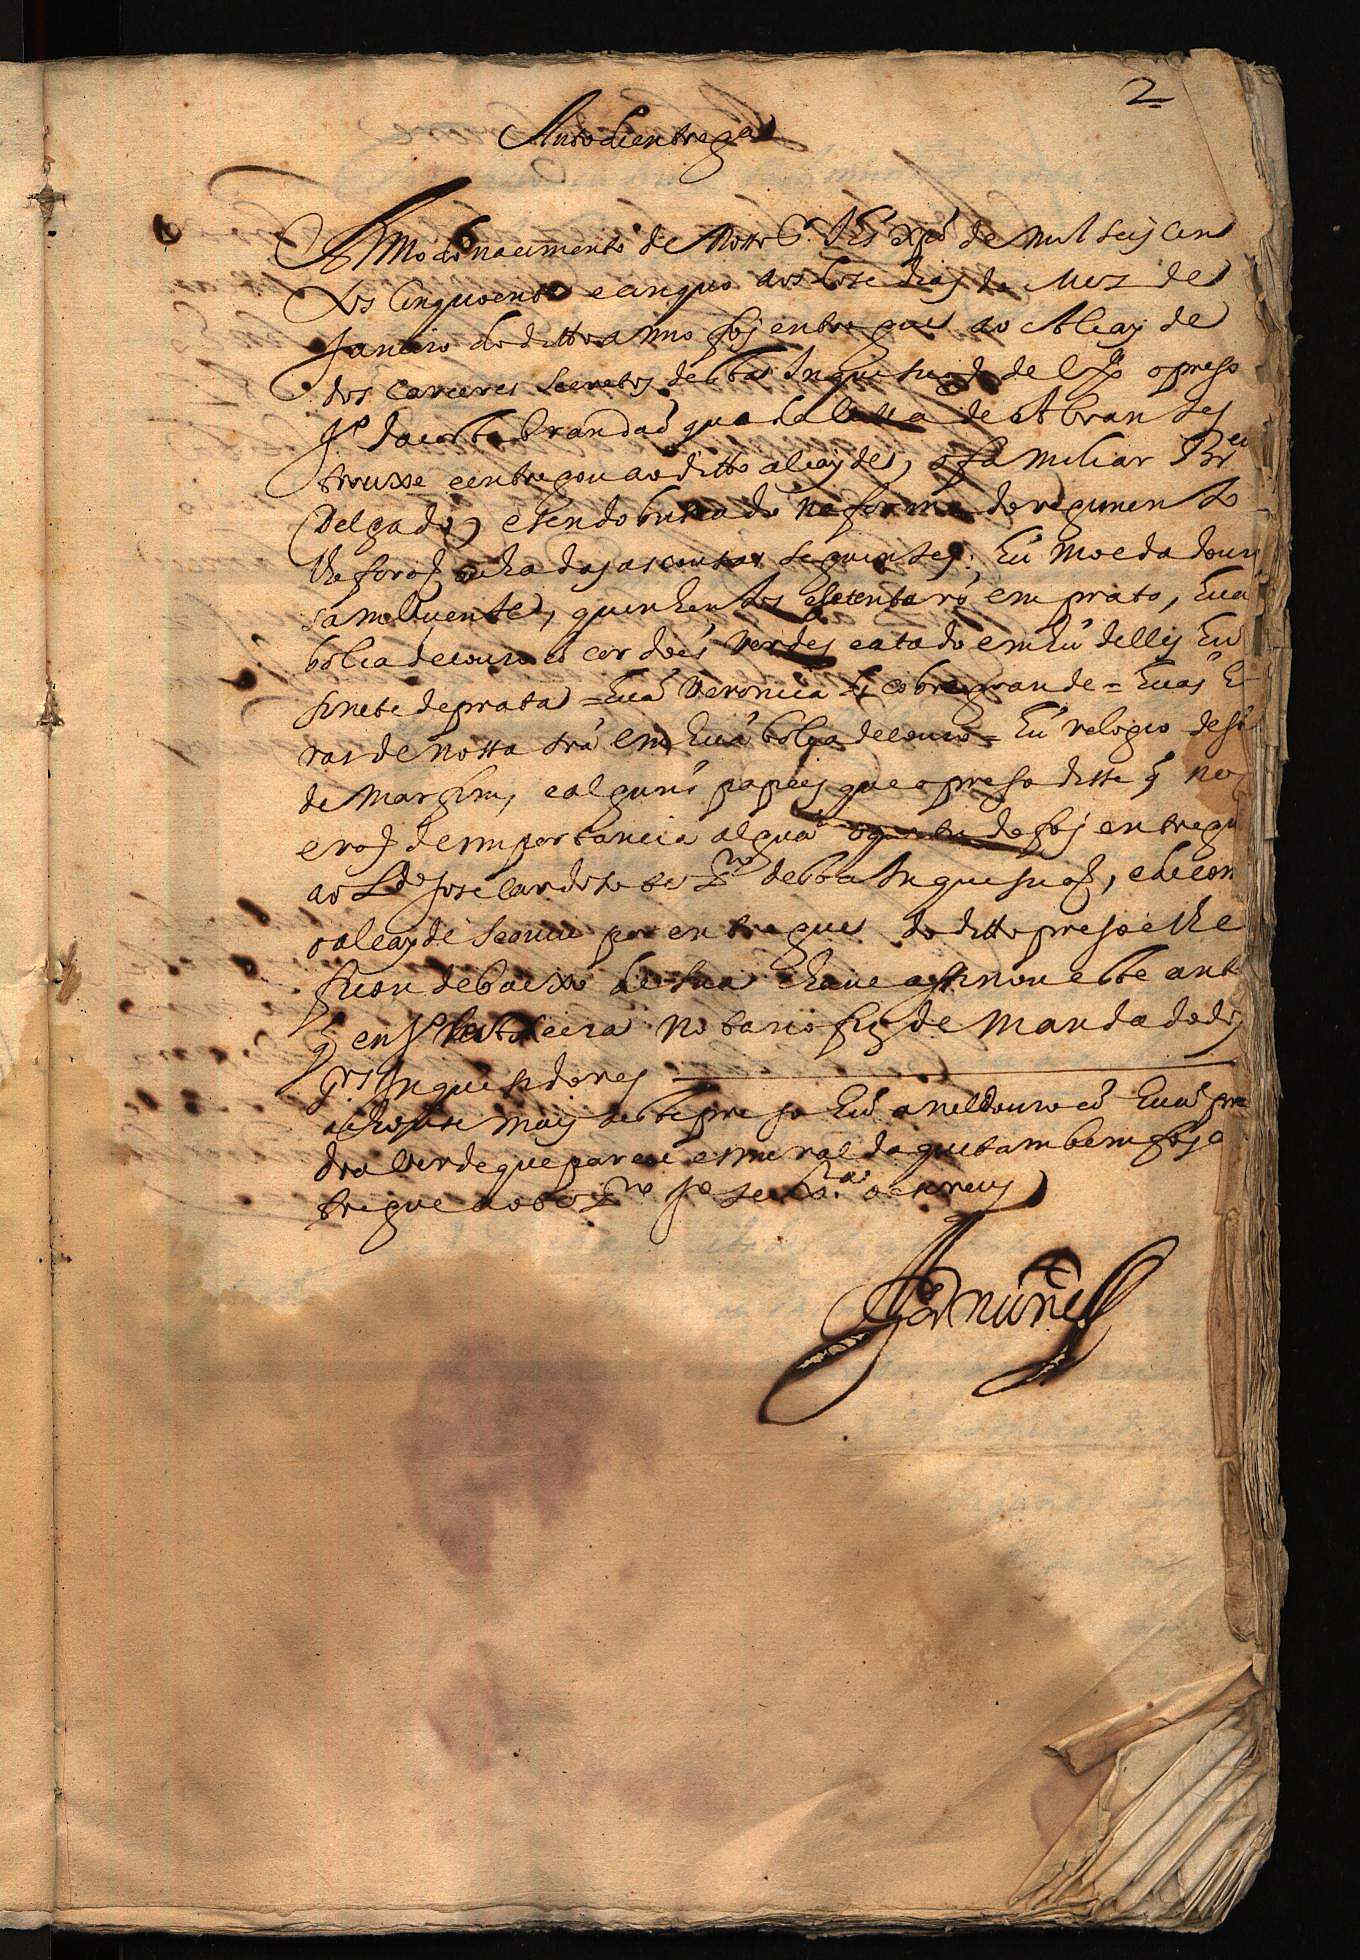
2
Auto de entrega
Anno do nacimento de Nosso sor Jhs̄ xpō de mil seiscen
tos cinquoenta e cinquo aos doze dias do Mez de
Janeiro do ditto anno foj entregue ao Alcayde
dos carceres secretos desta Inquisiçaõ de Lxa o preso
Jo da costa brandaõ que da Villa de Abrantes
trouxe e entregou ao ditto alcayde, o familiar Breo
Delgado, e sendo buscado na forma do regimento
lhe foraõ achadas as cousas seguintes: hū moeda douro
sam Vicente, quinhentos e setenta rs̄ em prata, hua
bolca de couro cō cordoẽs verdes e atado em hū delles hū
sinete de prata = huā veronica de cobre grande = huas̄ h
ras de nossa srā em huā bolça de couro = hū relogio de s
de marfim, e alguns papeis que o preso disse q̄ nos
eraõ de importancia alguā o que tudo foj entregu
ao Ldo Joze Cardoso tezro desta Inquisicaõ, e de com
o alcayde se ouue por entregue do ditto preso e lhe
ficou debaixo de sua chaue assinou este auto
q̄ eu Jo teixeira notario fiz de mandado dos
s.rs Jnquisidores
achouse mais a este presa hū anel douro cō huā pe
dra Verde que parece esmeralda que tambem foj e
tregue ao tezro Jo teix.ra o escreuj
Gar nunes
